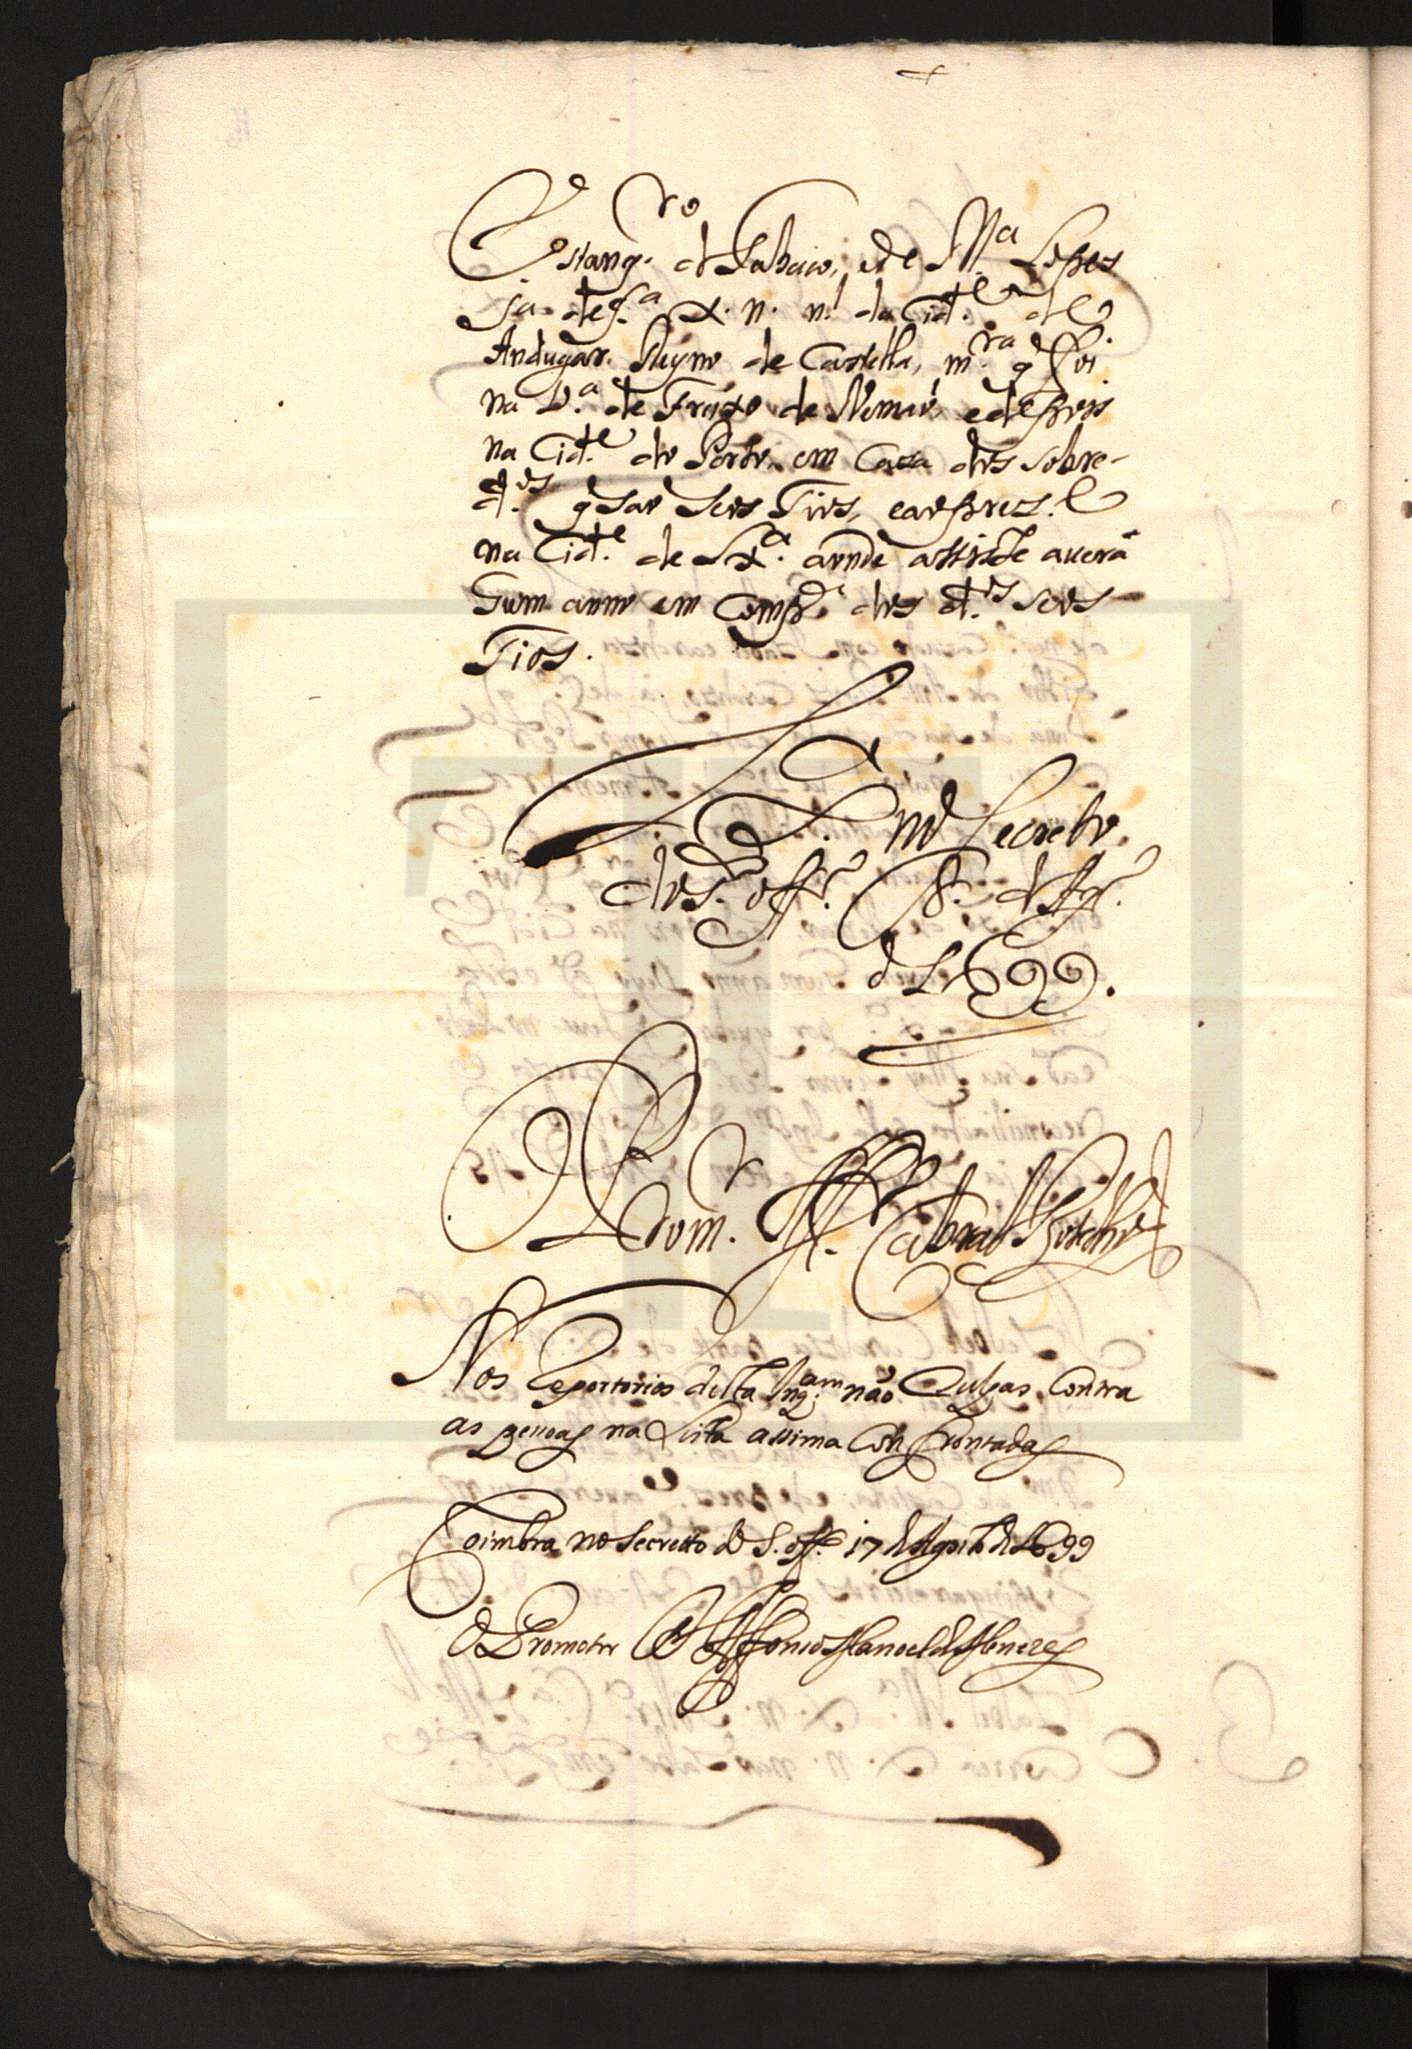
Estanq.ro d̄ Tabaco, e de M.a Lopes
ja def.a x. n. n.l da Cid̄.e de
Andugar. Reyno de Castella, m.ra q̄ foi
na V.a de Freixo de Nemaõ, e depois
na Cid̄.e do Porto em Caza dos sobre
d̄.os q̄ saõ seos Tios, e ao prez.e
na Cid̄.e de Lx.a aonde assiste auerá
hum anno em Compa dos d̄.os seos
Tios.
LX.a no secreto
do s.to offo. 8. de Ag.o
d̄ 1699.
Nos Reportorios desta Inq.am naõ Culpas Contra
as pessoas na Lista assima Confrontadas
Coimbra no Secretto do S. off.o i7 de Agosto de 1699
